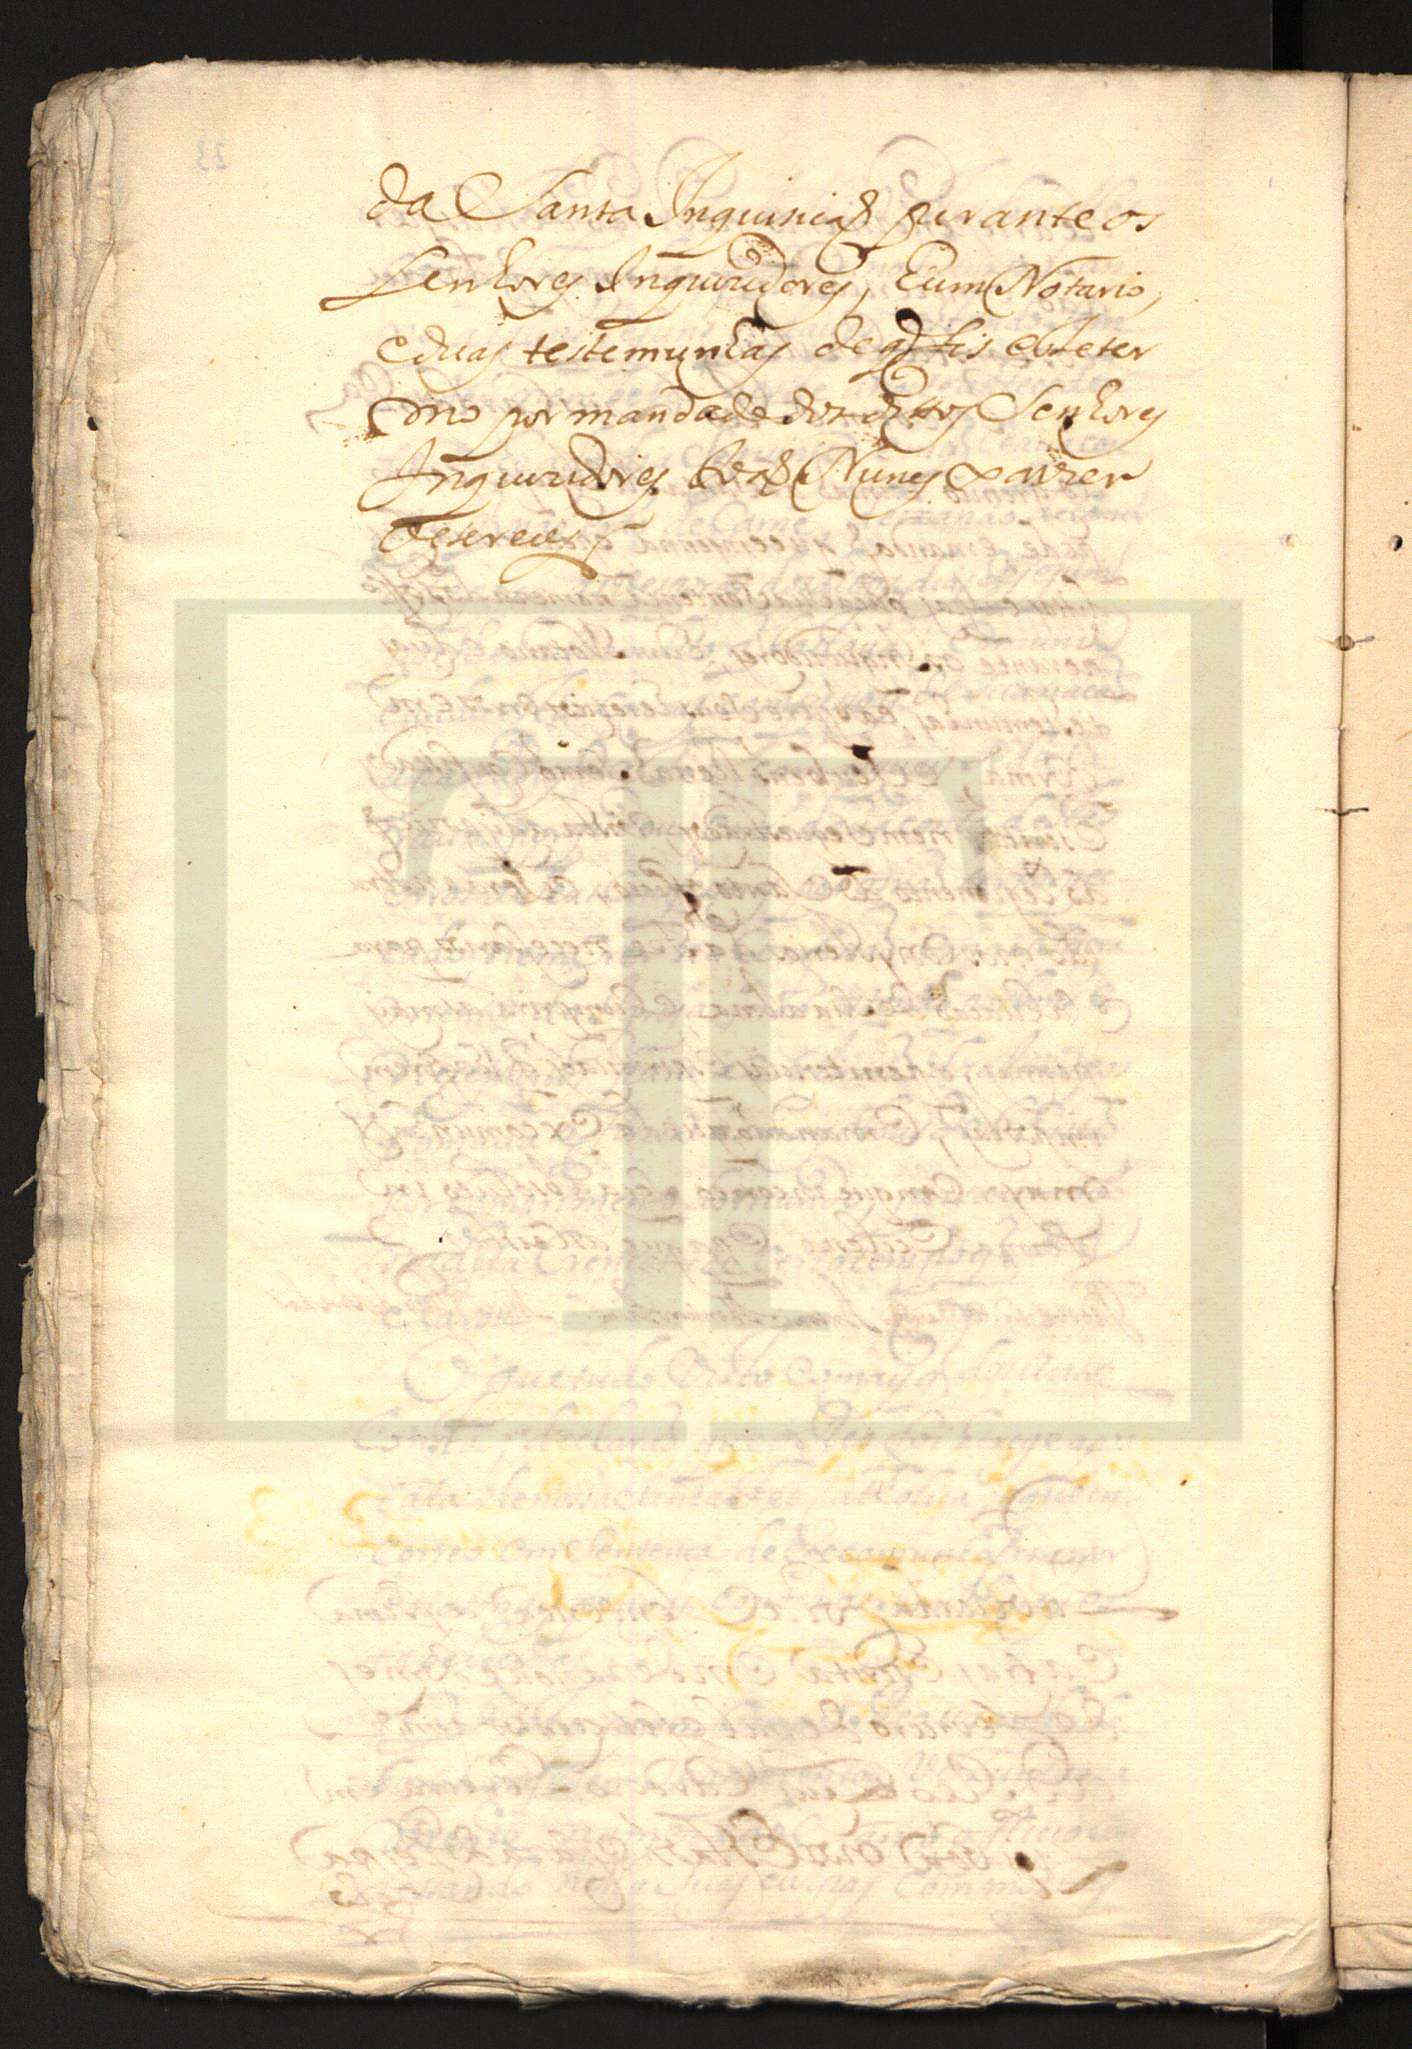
da Santa Inquisicaõ perante os
Senhores Inquizidores, hum Notario,
e duas testemunhas de q̄ fis este ter
mo por mandado dos dittos Senhores
Jnquizidores Ioaõ Nunes xavier
o escreuj
